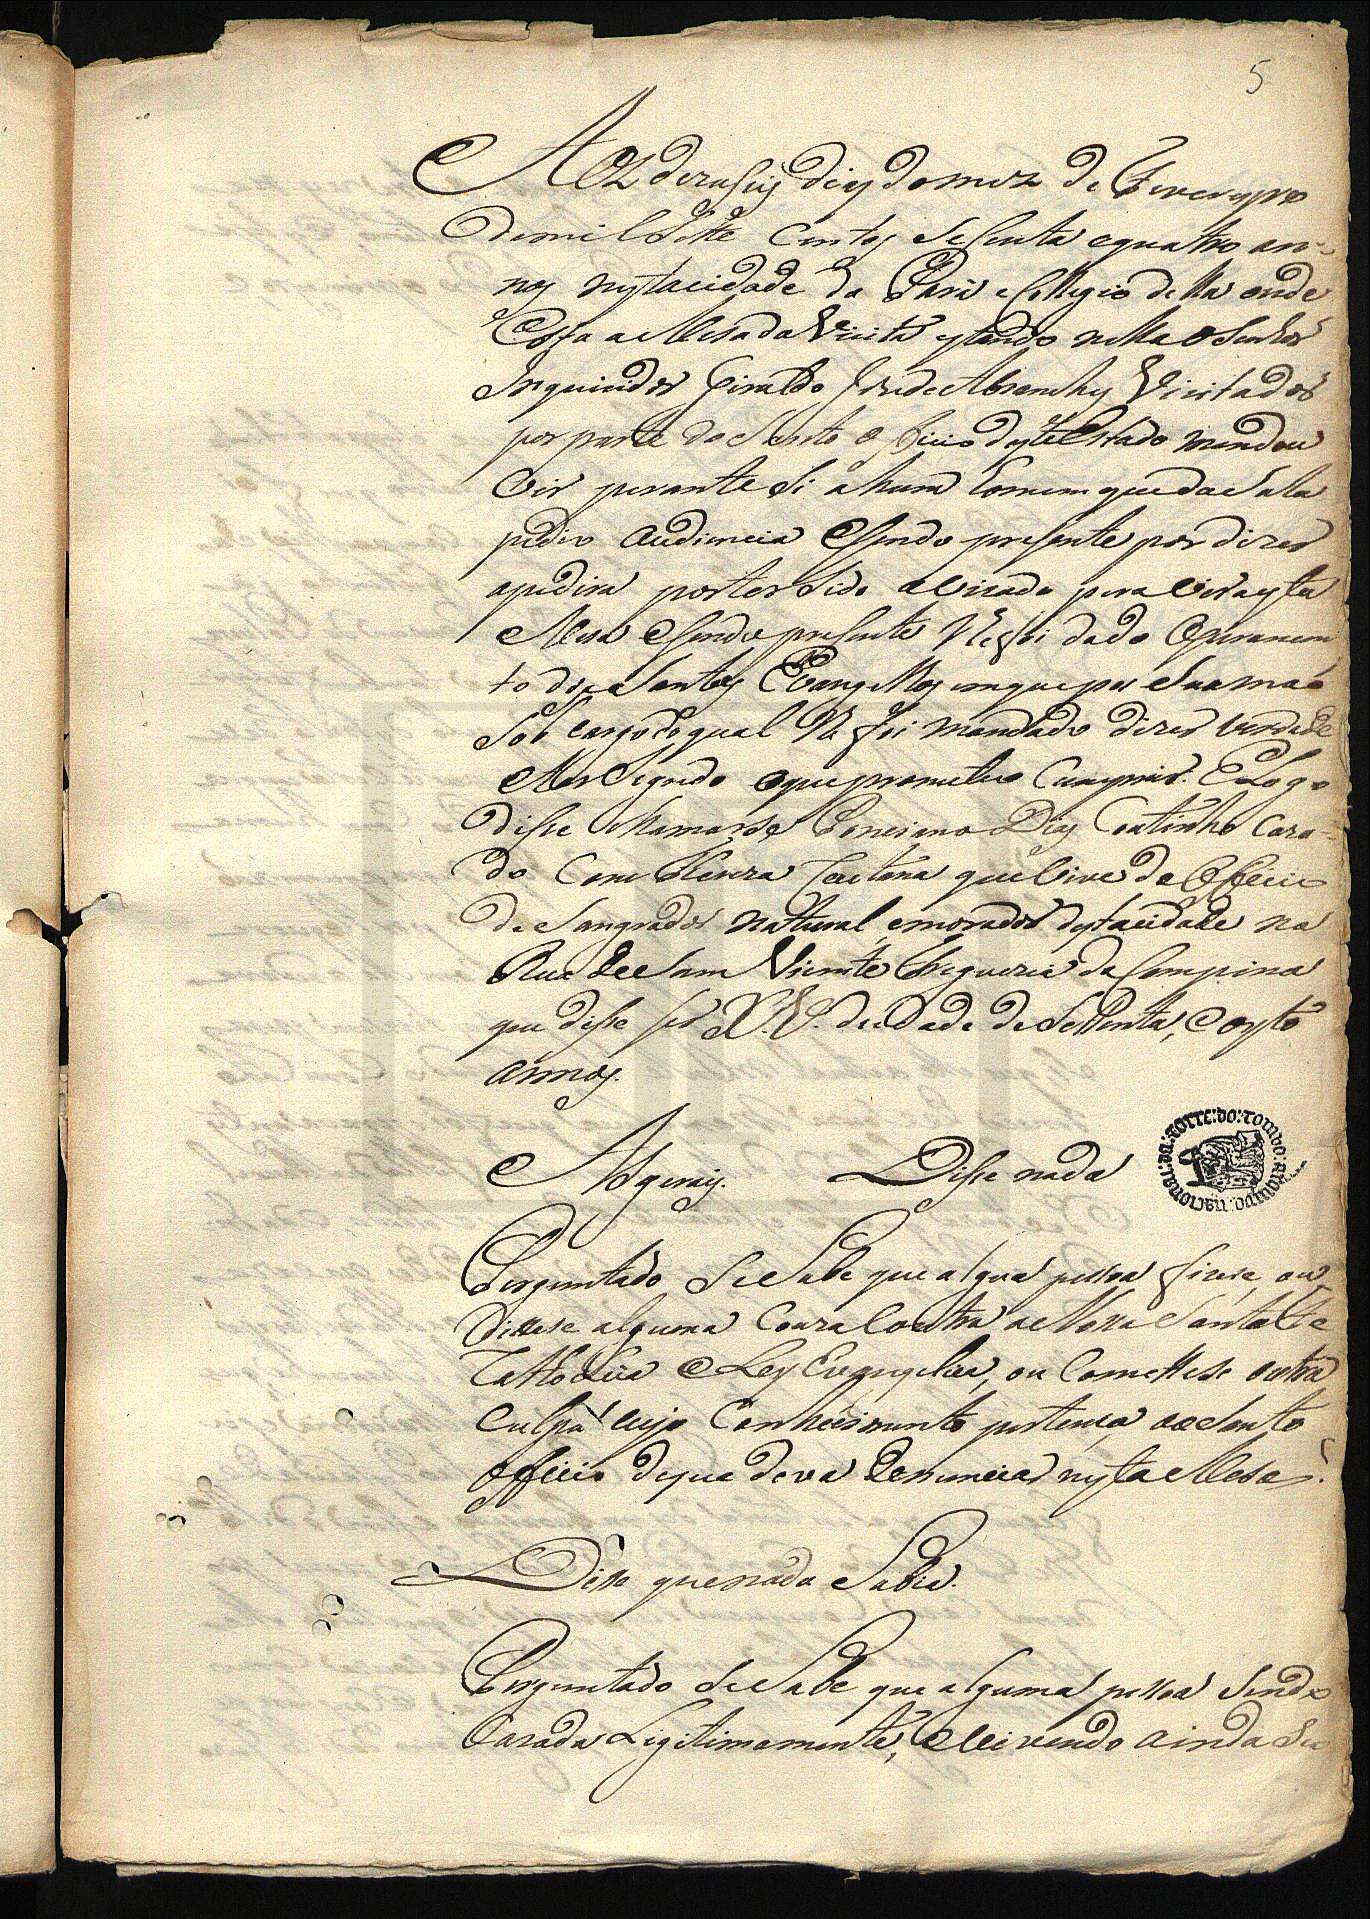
Aoz dezaseis dias do mez de Fevereyro
de mil SetteCentos Sesenta e quatro an
nos nesta cidade do Pará e Collegio della onde
Esta a Mesa da Visita estando nella o Senhor
Inquizidor Giraldo Joze de Abranches Visitador
por parte do Santo oficio deste Estado mandou
vir perante Si a hum homem que da Sala
pedio audiencia e sendo presente por dizer
a pedira por ter Sido auizado para uir a esta
Mesa e sendo presente lhe foi dado o juramen
to dos Santos Evangelhos em que pos Sua maõ
Sob cargo do qual lhe foi mandado dizer verdade
e ter Segredo o que prometeo Cumprir. E Logo
disse chamarse Ponciano Dias Coutinho Caza
do Com Thereza Caetana que uive do Ofecio
de Sangrador natural, e morador desta cidade na
Rua de Sam Vicente Freguezia da Campina
que disse ser X.V. de idade de Settenta, e oyto
annos.
Disse nada
As gerais.
Perguntado se Sabe que alguā pessoa fizese, ou
dissese alguma Couza Contra a Nossa Santa Fe
CathoLica e Ley Evangelica, ou Comettese outra
Culpa cujo Conhecimento pertença ao Santo
Officio de que deve denunciar nesta Mesa?
Disse que nada Sabia.
Perguntado se Sabe que alguma pessoa sendo
Cazada Ligitimamente, e vivendo ainda se
